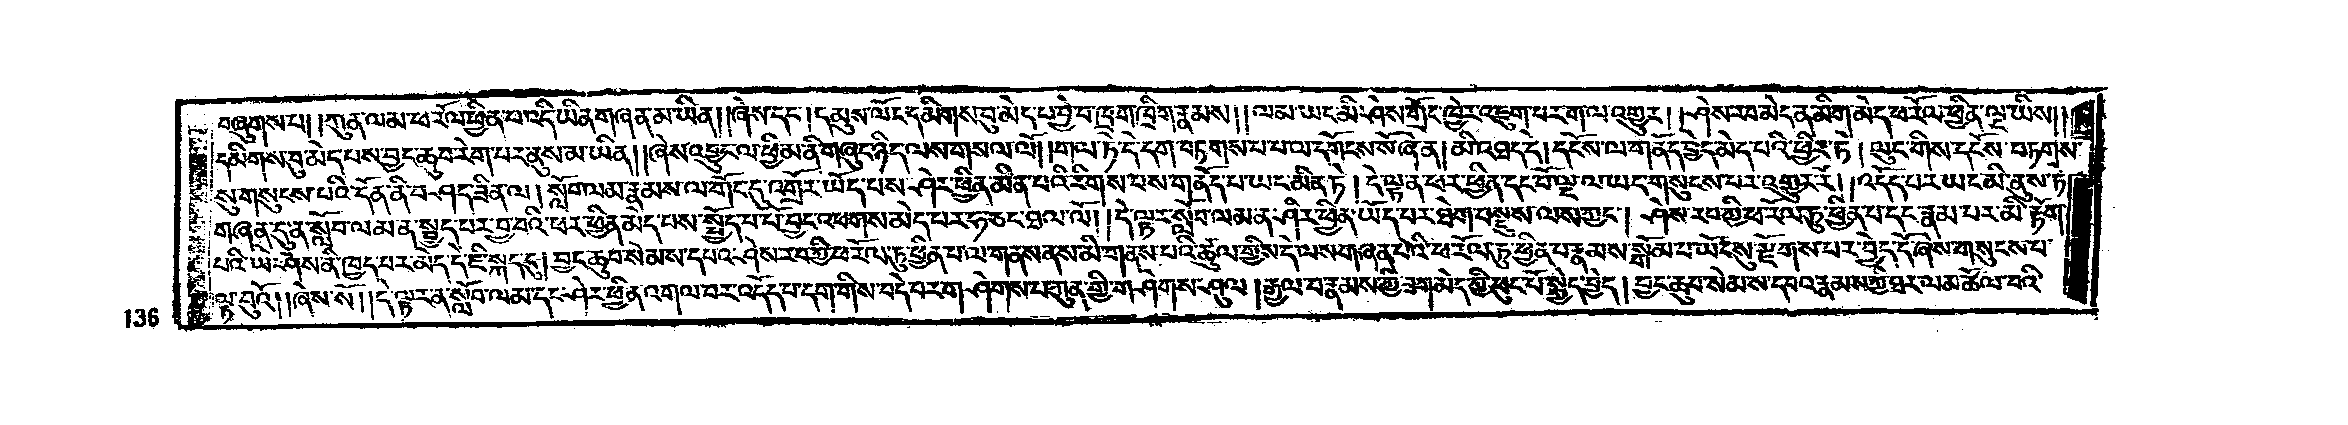བཞུགས་པ། །ཀུན་ལམ་ཕ་རོལ་ཕྱིན་པ་འདི་ཡིན་གཞན་མ་ཡིན། །ཞེས་དང་། དམུས་ལོང་དམིགས་བུ་མེད་པ་བྱེ་བ་ཁྲག་ཁྲིག་རྣམས། །ལམ་ཡང་མི་ཤེས་གྲོང་ཁྱེར་འཇུག་པར་ག་ལ་འགྱུར། །ཤེས་རབ་མེད་ན་མིག་མེད་ཕ་རོལ་ཕྱིན་ལྔ་ཡིས། །
དམིགས་བུ་མེད་པས་བྱང་ཆུབ་རེག་པར་ནུས་མ་ཡིན། །ཞེས་འབྱུང་ལ་ཕྱི་མ་ནི་གཞུང་ཉིད་ལས་གསལ་ལོ། །གལ་ཏེ་དེ་དག་བཏགས་པ་བ་ལ་དགོངས་སོ་ཞེ་ན། མི་འཐད་དེ། དངོས་ལ་གནོད་བྱེད་མེད་པའི་ཕྱིར་ཏེ། ལུང་གིས་དངོས་བཏགས་
སུ་གསུངས་པའི་དོན་ནི་བཤད་ཟིན་ལ། སློབ་ལམ་རྣམས་ལ་གོང་དུ་འགྲོར་ཡོད་པས་ཤེར་ཕྱིན་མིན་པའི་རིགས་པས་གནོད་པ་ཡང་མིན་ཏེ། དེ་ལྟ་ན་ཕར་ཕྱིན་དང་པོ་ལྔ་ལ་ཡང་གསུངས་པར་འགྱུར་རོ། །འདོད་པར་ཡང་མི་ནུས་ཏེ།
གཞན་དུ་ན་སློབ་ལམ་ན་སྤྱད་པར་བྱ་བའི་ཕར་ཕྱིན་མེད་པས་སྤྱོད་པ་པོ་བྱང་འཕགས་མེད་པར་ཧ་ཅང་ཐལ་ལོ། །དེ་ལྟར་སློབ་ལམ་ན་ཤེར་ཕྱིན་ཡོད་པར་ཐེག་བསྡུས་ལས་ཀྱང་། ཤེས་རབ་ཀྱི་ཕ་རོལ་ཏུ་ཕྱིན་པ་དང་རྣམ་པར་མི་རྟོག་
པའི་ཡེ་ཤེས་ནི་ཁྱད་པར་མེད་དེ་ཇི་སྐད་དུ། བྱང་ཆུབ་སེམས་དཔའ་ཤེས་རབ་ཀྱི་ཕ་རོལ་ཏུ་ཕྱིན་པ་ལ་གནས་ནས་མི་གནས་པའི་ཚུལ་གྱིས་དེ་ལས་གཞན་པའི་ཕ་རོལ་ཏུ་ཕྱིན་པ་རྣམས་སྒོམ་པ་ཡོངས་སུ་རྫོགས་པར་བྱེད་དོ་ཞེས་གསུངས་པ་
ལྟ་བུའོ། །ཞེས་སོ། །དེ་ལྟར་ན་སློབ་ལམ་དང་ཤེར་ཕྱིན་འགལ་བར་འདོད་པ་དག་གིས་བདེ་བར་གཤེགས་པ་ཀུན་གྱི་གཤེགས་ཤུལ། རྒྱལ་བ་རྣམས་ཀྱི་ཟག་མེད་ཀྱི་ཕུང་པོ་སྐྱེད་བྱེད། བྱང་ཆུབ་སེམས་དཔའ་རྣམས་ཀྱི་ཐར་ལམ་ཚོལ་བའི་